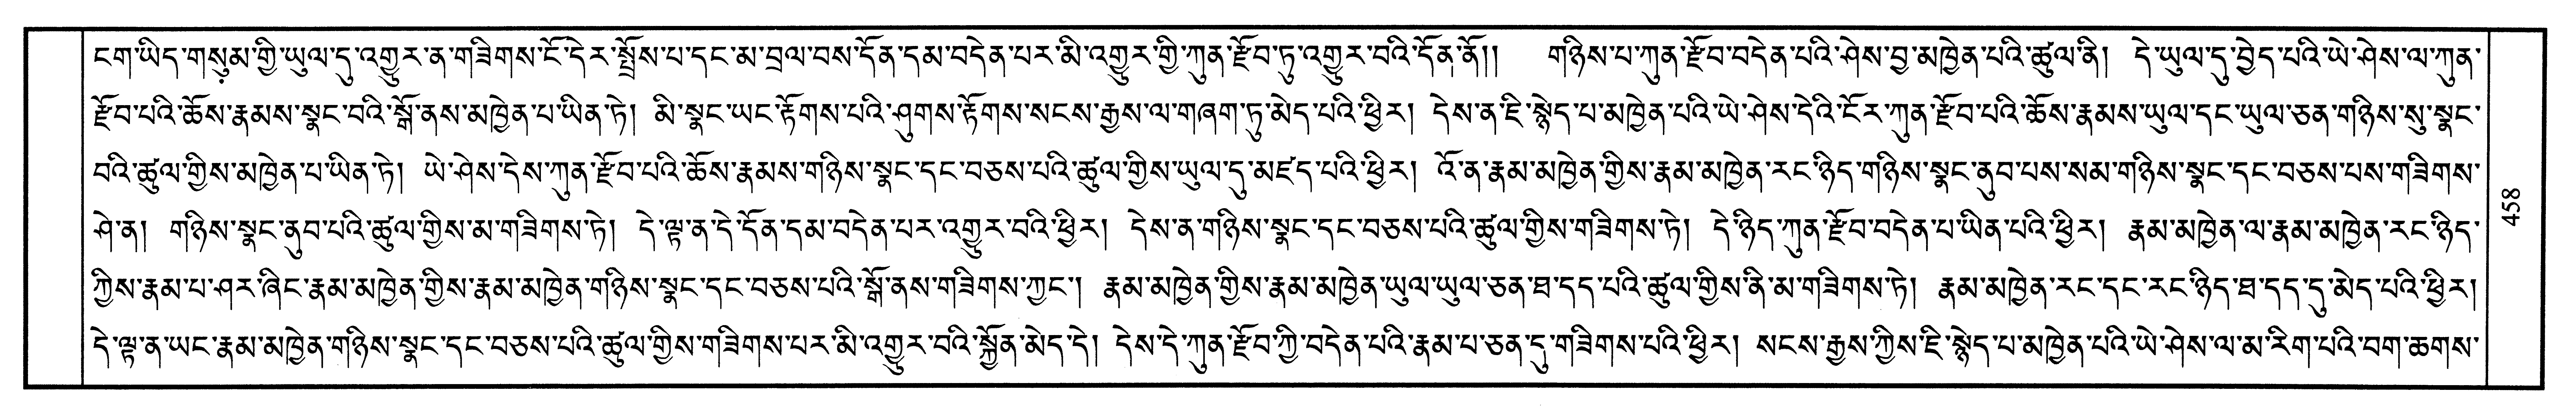ངག་ཡིད་གསུམ་གྱི་ཡུལ་དུ་འགྱུར་ན་གཟིགས་ངོ་དེར་སྤྲོས་པ་དང་མ་བྲལ་བས་དོན་དམ་བདེན་པར་མི་འགྱུར་གྱི་ཀུན་རྫོབ་ཏུ་འགྱུར་བའི་དོན་ནོ།། གཉིས་པ་ཀུན་རྫོབ་བདེན་པའི་ཤེས་བྱ་མཁྱེན་པའི་ཚུལ་ནི། དེ་ཡུལ་དུ་བྱེད་པའི་ཡེ་ཤེས་ལ་ཀུན་
རྫོབ་པའི་ཆོས་རྣམས་སྣང་བའི་སྒོ་ནས་མཁྱེན་པ་ཡིན་ཏེ། མི་སྣང་ཡང་རྟོགས་པའི་ཤུགས་རྟོགས་སངས་རྒྱས་ལ་གཞག་ཏུ་མེད་པའི་ཕྱིར། དེས་ན་ཇི་སྙེད་པ་མཁྱེན་པའི་ཡེ་ཤེས་དེའི་ངོར་ཀུན་རྫོབ་པའི་ཆོས་རྣམས་ཡུལ་དང་ཡུལ་ཅན་གཉིས་སུ་སྣང་
བའི་ཚུལ་གྱིས་མཁྱེན་པ་ཡིན་ཏེ། ཡེ་ཤེས་དེས་ཀུན་རྫོབ་པའི་ཆོས་རྣམས་གཉིས་སྣང་དང་བཅས་པའི་ཚུལ་གྱིས་ཡུལ་དུ་མཛད་པའི་ཕྱིར། འོ་ན་རྣམ་མཁྱེན་གྱིས་རྣམ་མཁྱེན་རང་ཉིད་གཉིས་སྣང་ནུབ་པས་སམ་གཉིས་སྣང་དང་བཅས་པས་གཟིགས་
ཤེ་ན། གཉིས་སྣང་ནུབ་པའི་ཚུལ་གྱིས་མ་གཟིགས་ཏེ། དེ་ལྟ་ན་དེ་དོན་དམ་བདེན་པར་འགྱུར་བའི་ཕྱིར། དེས་ན་གཉིས་སྣང་དང་བཅས་པའི་ཚུལ་གྱིས་གཟིགས་ཏེ། དེ་ཉིད་ཀུན་རྫོབ་བདེན་པ་ཡིན་པའི་ཕྱིར། རྣམ་མཁྱེན་ལ་རྣམ་མཁྱེན་རང་ཉིད་
ཀྱིས་རྣམ་པ་ཤར་ཞིང་རྣམ་མཁྱེན་གྱིས་རྣམ་མཁྱེན་གཉིས་སྣང་དང་བཅས་པའི་སྒོ་ནས་གཟིགས་ཀྱང་། རྣམ་མཁྱེན་གྱིས་རྣམ་མཁྱེན་ཡུལ་ཡུལ་ཅན་ཐ་དད་པའི་ཚུལ་གྱིས་ནི་མ་གཟིགས་ཏེ། རྣམ་མཁྱེན་རང་དང་རང་ཉིད་ཐ་དད་དུ་མེད་པའི་ཕྱིར།
དེ་ལྟ་ན་ཡང་རྣམ་མཁྱེན་གཉིས་སྣང་དང་བཅས་པའི་ཚུལ་གྱིས་གཟིགས་པར་མི་འགྱུར་བའི་སྐྱོན་མེད་དེ། དེས་དེ་ཀུན་རྫོབ་བདེན་པའི་རྣམ་པ་ཅན་དུ་གཟིགས་པའི་ཕྱིར། སངས་རྒྱས་ཀྱིས་ཇི་སྙེད་པ་མཁྱེན་པའི་ཡེ་ཤེས་ལ་མ་རིག་པའི་བག་ཆགས་